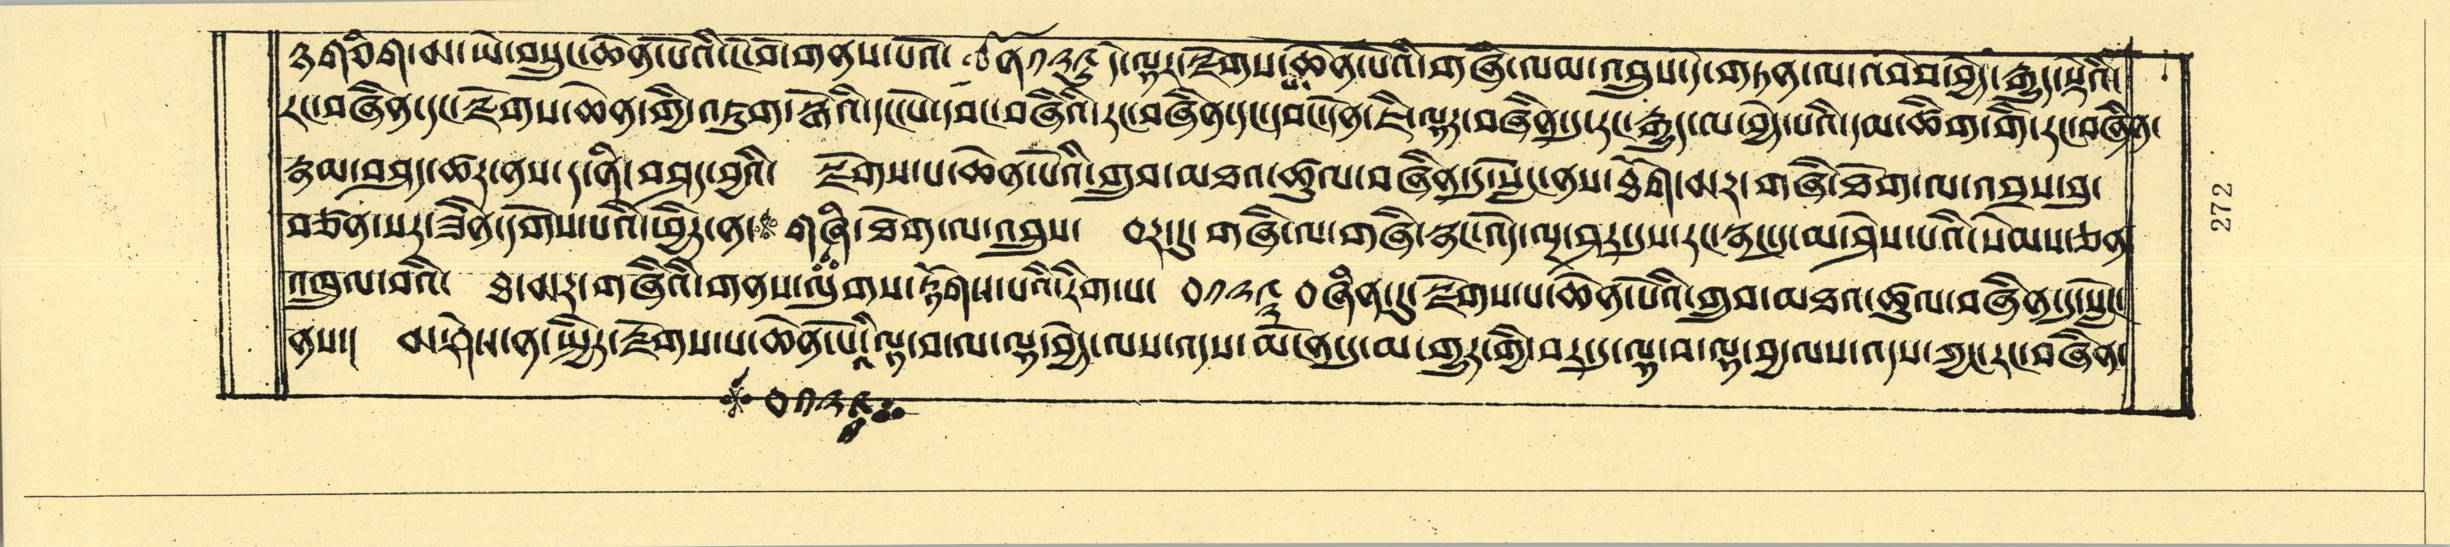ཉག་གཅིག་མ་ཡེ་བསྲུང་ཆེན་པོའི་ངོ་བོ་གནས་པའོ། ན༡༢༩།༦ དེ་ལྟར་རྫོགས་པ་ཆེན་པོའི་གཞི་ལམ་འབྲས་བུ་དེ་གཏན་ལ་འབེབ་བྱེད་རྒྱུད་སྡེའི་
རང་བཞིན་དང་སྫོགས་ཆེན་གྱི་འཇུག་སྒོའི་དང་པོ་དབང་གཞིའི་རང་བཞིན་དང་དབང་དོན་ཇི་ལྟར་བཞིན་དུ་རང་རྒྱུད་ལ་བྱེད་པའི་དམ་ཚིག་གི་རང་བཞིན་
རྣམ་བཤད་ཚར་ནས་ད་ནི་བཤད་བྱའི། སྫོགས་པ་ཆེན་པོའི་གྲུབ་མཐའ་ཚུལ་བཞིན་དུ་སློང་ནས་ཐོག་མར་གཞི་ཐོག་ལ་འབྲས་བུ་
བཙན་སར་ཟིན་དགོས་པའི་ཕྱིར་ན་ བ༡༢༩།༡གཞི་ཐོག་ལ་འབྲས་བུ་ བར་དུ་གཞི་ལ་གཞི་སྣང་འོད་ལྔ་ཤར་དུས་རང་སྣང་དུ་མ་ཤེས་པའི་སེམས་ཅན་
འཁྲུལ་བའི། ཐ་མར་གཞིའི་གནས་ལུགས་རྟོགས་པའི་རིག་པ་ བ༡༢༩།༢ བཞིན་དུ་སྫོགས་པ་ཆེན་པོའི་གྲུབ་མཐའ་ཚུལ་བཞིན་དུ་སློང་
ནས། མ་ཤེས་ན་སྤྱིར་རྫོགས་པ་ཆེན་པོའི་ལྟ་བ་ལ་ལྟ་བྱེད་ལས་འདས་མངོན་དུ་མ་གྱུར་གྱི་བར་དུ་ལྟ་བ་ལྟ་བྱ་ལས་འདས་ཀྱང་རང་བཞིན་